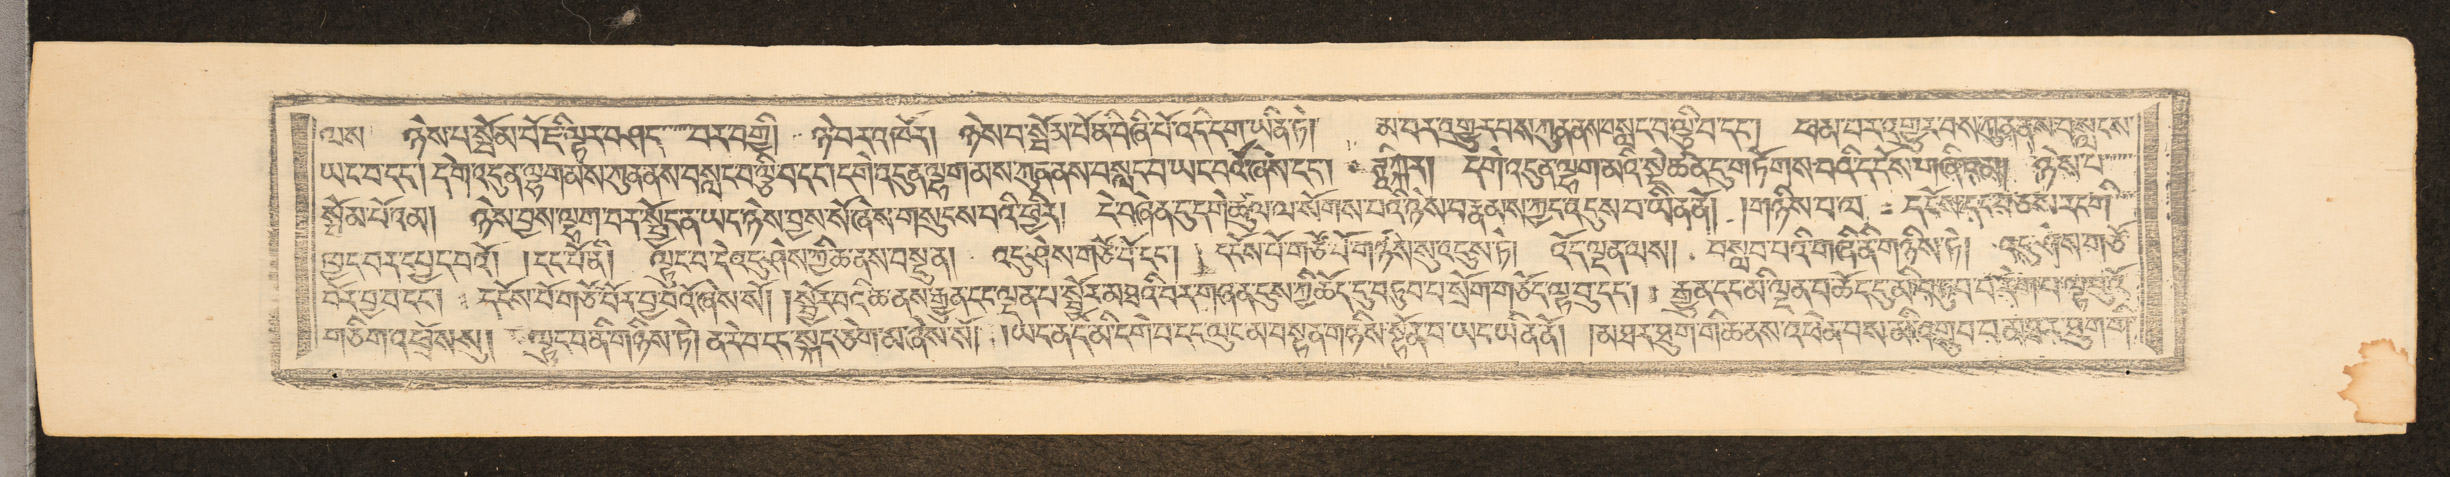ལས། ཉེས་པ་སྦོམ་པོ་ཇི་ལྟར་བཤད་པར་བགྱི། ཉེ་བར་འཁོར། ཉེས་པ་སྦོམ་པོ་ནི་བཞི་པོ་འདི་དག་ཡིན་ཏེ། ཕམ་པར་འགྱུར་བས་ཀུན་ནས་བསླང་བ་ལྕི་བ་དང་། ཕམ་པར་འགྱུར་བས་ཀུན་ནས་བསླང་བ་
ཡང་བ་དང་། དགེ་འདུན་ལྷག་མས་ཀུན་ནས་བསླང་བ་ལྕི་བ་དང་། དགེ་འདུན་ལྷག་མས་ཀུན་ནས་བསླང་བ་ཡང་བའོ་ཞེས་དང་། ཊཱིཀྐར། དགེ་འདུན་ལྷག་མའི་སྡེ་ཚན་དུ་གཏོགས་པའི་དངོས་གཞིའམ། ཉེས་པ་
སྦོམ་པོ་འམ། ཉེས་བྱས་ལྷག་པར་སྤྱོད་ན་ཡང་ཉེས་བྱས་སོ་ཞེས་གསུངས་པའི་ཕྱིར། དེ་བཞིན་དུ་དགེ་ཚུལ་ལ་སོགས་པའི་ཉེས་པ་རྣམས་ཀྱང་འདུས་པ་ཡིན་ནོ། །གཉིས་པ་ལ། དངོས་དང་བཅས་རང་གི་
ཁྱད་པར་དཔྱད་པའོ། །དང་པོ་ནི། ལྟུང་བ་དེ་འདུ་ཤེས་ཀྱི་ཆ་ནས་བསྡུ་ན། འདུ་ཤེས་གཙོ་བ་དང་། དངོས་པོ་གཙོ་པ་གཉིས་སུ་འདུས་ཏེ། འོད་ལྡན་ལས། བསླབ་པའི་གཞི་ནི་གཉིས་ཏེ། འདུ་ཤེས་གཙོ་
བོར་བྱ་བ་དང་། དངོས་པོ་གཙོ་བོར་བྱ་བའོ་ཞེས་སོ། །སྦྱོར་བའི་ཆ་ནས་རྒྱུན་དང་ལྡན་པ་སྦྱོར་མཐའི་བར་གཞན་དུས་ཀྱི་ཆོད་དུ་བ་ཏུབ་པ་སྲོག་གཅོང་ལྟ་བུ་དང་། རྒྱུན་དང་མི་ལྡན་པ་ཆོད་དུ་མི་བཏུབ་པ་རེག་པ་ལྟ་བུ་འོ།།
གཅིག་འཕྲོས་སུ། ལྟུང་བ་ནི་གཉིས་ཏེ། ན་རེ་བ་དང་སྐད་ཅིག་མ་ཞེས་སོ། །ཡང་ན་དེ་མི་དགེ་བ་དང་ལུང་མ་བསྟན་གཉིས་སྟོན་པ་ཡང་ཡིན་ནོ། །མཐར་ཐུག་གི་ཆ་ནས་འཕེན་པས་མི་འགྲུབ་པ་མཐར་ཐུག་གི་